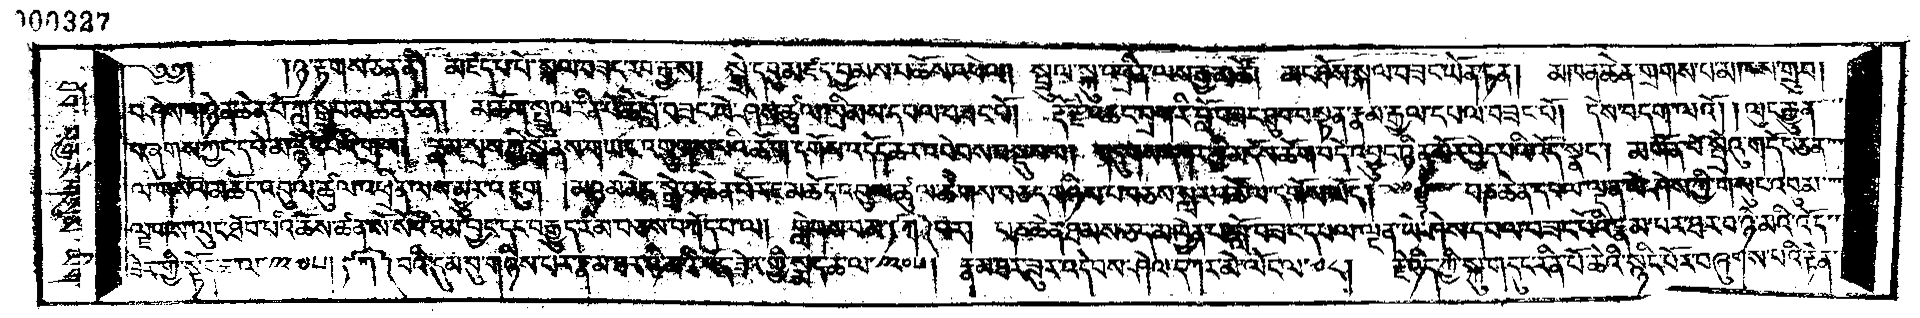༄༅། །ཉ་རྟགས་ཅན་ནི། མཛད་པ་པོ་སྐལ་བཟང་རབ་རྒྱས། སྒྲེ་དབུ་མཛད་བྱམས་པ་ཆོས་འཕེལ། སྤྲུལ་སྐུ་འཕྲིན་ལས་རྒྱ་མཚོ། མང་ཐོས་སྐལ་བཟང་ཡོན་ཏན། མཁན་ཆེན་གྲགས་པ་མཁས་གྲུབ།
བཤེས་གཉེན་ཆེན་པོ་ཀླུ་སྒྲུབ་མཚན་ཅན། མཆོག་སྤྲུལ་རིན་པོ་ཆེ་བློ་བཟང་ཡེ་ཤེས་ཚུལ་ཁྲིམས་དཔལ་བཟང་པོ། རྡོ་རྗེ་འཆང་བྲག་རི་བློ་བཟང་ཐུབ་བསྟན་རྣམ་རྒྱལ་དཔལ་བཟང་པོ། དེས་བདག་ལའོ། །ལུང་རྒྱུན་
བཞུགས་ཀྱང་དཔེ་མ་རྙེད་པའི་གྲས། རྣམ་སྲས་ཀྱི་སྒོ་ནས་གཡང་འགུགས་པའི་ཆོ་ག་དགོས་འདོད་ཆར་འབེབས་བསྡུས་པ། གདུགས་དཀར་ཀྱི་མདོས་ཆོག་བདེ་འབྱུང་ཉིན་མོར་བྱེད་པའི་འོད་སྣང་། མགོན་པོ་སྤྲེའུ་གདོང་ཅན་
ལ་གསོལ་མཆོད་འབུལ་ཚུལ་འཕྲིན་ལས་མྱུར་འཇུག །མཉམ་མེད་སྒྲེ་བ་ཆེན་པོར་ཇ་མཆོད་འབུལ་ཚུལ་ཚིགས་བཅད་གཉིས་པ་བཅས་སླར་འཚོལ་དགོས་ཡོད། ༈ པཎ་ཆེན་དཔལ་ལྡན་ཡེ་ཤེས་ཀྱི་གསུང་འབུམ་
ལྗགས་ལུང་ཐོབ་པའི་ཆོས་ཚན་སོ་སོའི་ཐེམ་བྱང་དང་བརྒྱུད་རིམ་བཅས་བཀོད་པ་ལ། གླེགས་བམ ༼ཀ༽ པར། པཎ་ཆེན་ཐམས་ཅད་མཁྱེན་པ་བློ་བཟང་དཔལ་ལྔན་ཡེ་ཤེས་དཔལ་བཟང་པོའི་རྣམ་པར་ཐར་བ་ཉི་མའི་འོད་
ཟེར་གྱི་སྟོད་ཆ་ལ ༡༢༧༥། ༼ཀ༽ བའི་དུམ་བུ་གཉིས་པར་རྣམ་ཐར་ཉི་མའི་འོད་ཟེར་གྱི་སྨད་ཆ་ལ ༣༠༥། རྣམ་ཐར་ཟུར་འདེབས་ཤེལ་དཀར་མེ་ལོང་ལ ༧༨། རྗེ་ཉིད་ཀྱི་སྐུ་གདུང་རིན་པོ་ཆེའི་སྙིང་པོར་བཞུགས་པའི་རྟེན་